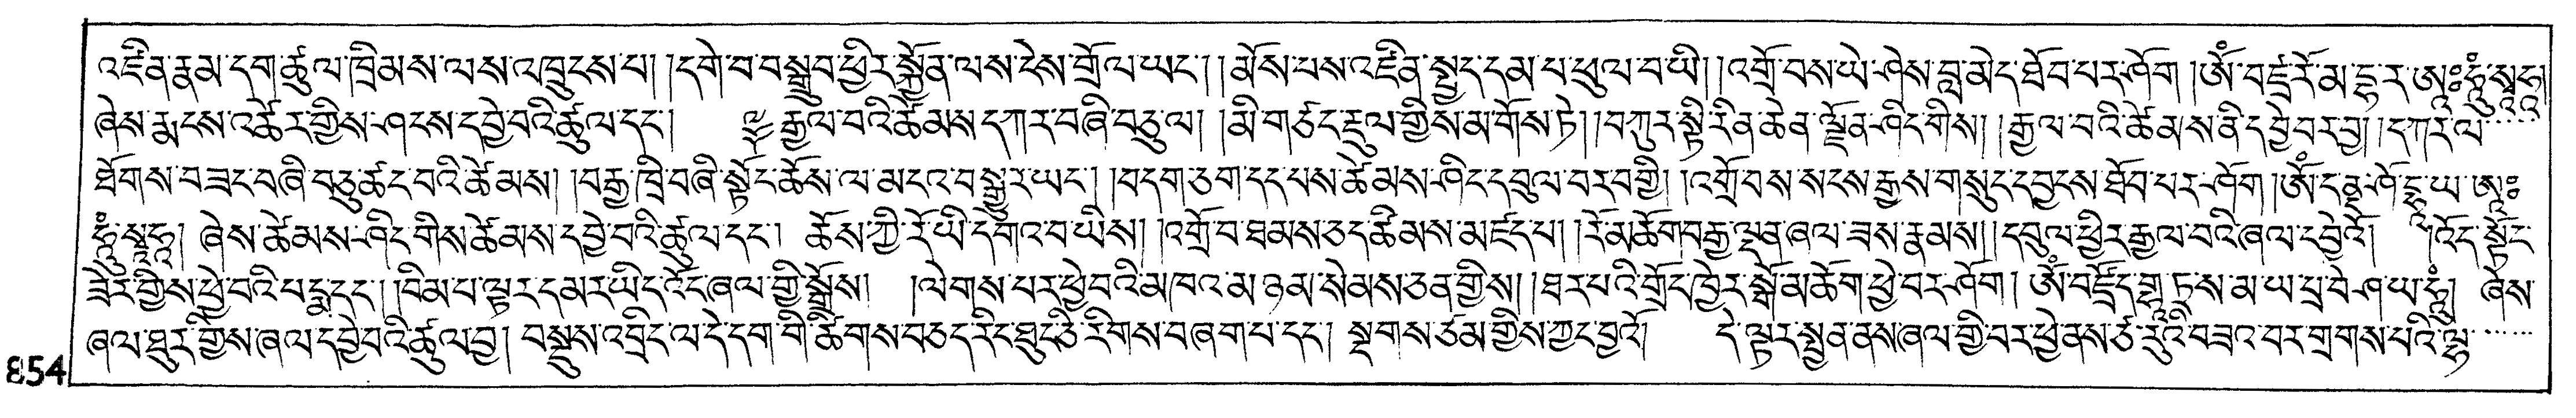འཛིན་རྣམ་དག་ཚུལ་ཁྲིམས་ལས་འཁྲུངས་པ། །དགེ་བ་བསྒྲུབ་ཕྱིར་སྐྱོན་ལས་ངེས་གྲོལ་ཡང་། །མོས་པས་འཛིན་སྤྱད་དམ་པ་ཕུལ་བ་ཡི། །འགྲོ་བས་ཡེ་ཤེས་བླ་མེད་ཐོབ་པར་ཤོག །ཨོཾ་བཛྲ་རོ་མ་དྷ་ར་ཨཱཿ ཧཱུཾ་སྭཱཧཱ།
ཞེས་རྨངས་འཚེར་གྱིས་ཤངས་དབྱེ་བའི་ཚུལ་དང་། ༈ རྒྱལ་བའི་ཚེམས་དཀར་བཞི་བཅུ་ལ། །མི་གཙང་རྡུལ་གྱིས་མ་གོས་ཏེ། །བཀུར་སྟི་རིན་ཆེན་ལྗོན་ཤིང་གིས། །རྒྱལ་བའི་ཚེམས་ནི་དབྱེ་བར་བྱ། །དཀར་ལ་
ཐོགས་བཟང་བཞི་བཅུ་ཚང་བའི་ཚེམས། །བརྒྱ་ཁྲི་བཞི་སྟོང་ཆོས་ལ་མངའ་བསྒྱུར་ཡང་། །བདག་ཅག་དད་པས་ཚེམས་ཤིང་དབུལ་བར་བགྱི། །འགྲོ་བས་སངས་རྒྱས་གསུང་དབྱངས་ཐོབ་པར་ཤོག །ཨོཾ་ད་ནྡ་ཤོ་དྷཱ་ཡ་ཨཱཿ
ཧཱུཾ་སྭཱཧཱ། ཞེས་ཚེམས་ཤིང་གིས་ཚེམས་དབྱེ་བའི་ཚུལ་དང་། ཆོས་ཀྱི་རོ་ཡི་དགའ་བ་ཡིས། །འགྲོ་བ་ཐམས་ཅད་ཚིམས་མཛད་པ། །རོ་མཆོག་བརྒྱ་ལྡན་ཞལ་ཟས་རྣམས། །དབུལ་ཕྱིར་རྒྱལ་བའི་ཞལ་དབྱེའོ། །འོད་སྟོང་
ཟེར་གྱིས་ཕྱེ་བའི་པདམ་དང་། །བིམ་པ་ལྟར་དམར་ཡིད་འོང་ཞལ་གྱི་སྒྲོས། །ལེགས་པར་ཕྱེ་བའི་མཁའ་མཉམ་སེམས་ཅན་གྱིས། །ཐར་པའི་གྲོང་ཁྱེར་སྒོ་མཆོག་ཕྱེ་བར་ཤོག །ཨོཾ་བཛྲོད་གྷཱ་ཏྲ་ས་མ་ཡ་པྲ་བེ་ཤ་ཡ་ཧཱུཾ། ཞེས་
ཞལ་ཐུར་གྱིས་ཞལ་དབྱེ་བའི་ཚུལ་བྱ། བསྡུས་འབྲིང་ལ་དེ་དག་གི་ཚིགས་བཅད་རིང་ཐུང་ཅི་རིགས་བཞག་པ་དང་། སྔགས་ཙམ་གྱིས་ཀྱང་བྱའོ། དེ་ལྟར་སྤྱན་ནས་ཞལ་གྱི་བར་ཕྱེ་ནས་ཙ་རུའི་བཟའ་བར་གྲགས་པའི་ལྷ་